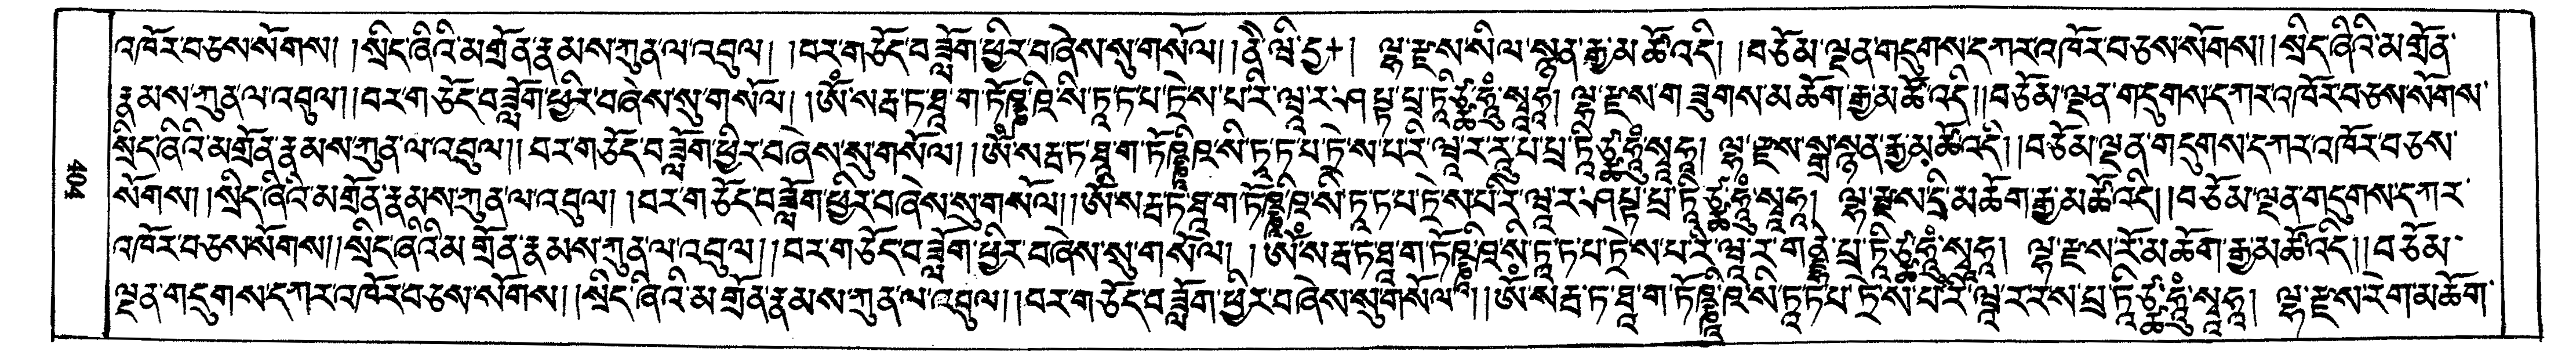འཁོར་བཅས་སོགས། །སྲིད་ཞིའི་མགྲོན་རྣམས་ཀུན་ལ་འབུལ། །བར་གཅོད་བཟློག་ཕྱིར་བཞེས་སུ་གསོལ། །ནཻ་ཝི་དྱ། ལྷ་རྫས་སིལ་སྙན་རྒྱ་མཚོ་འདི། །བཅོམ་ལྡན་གདུགས་དཀར་འཁོར་བཅས་སོགས། །སྲིད་ཞིའི་མགྲོན་
རྣམས་ཀུན་ལ་འབུལ། །བར་གཅོད་བཟློག་ཕྱིར་བཞེས་སུ་གསོལ། །ཨོཾ་སརྦ་ཏ་ཐཱ་ག་ཏོཥྡྟ་ཥི་སི་ཏཱ་ཏ་པ་ཏྲེ་ས་པ་རི་ཝཱ་ར་ཤཔྟ་པྲ་ཏཱིཙྪ་ཧཱུཾ་སྭཱ་ཧཱ། ལྷ་རྫས་གཟུགས་མཆོག་རྒྱ་མཚོ་འདི། །བཅོམ་ལྡན་གདུགས་དཀར་འཁོར་བཅས་སོགས།།
སྲིད་ཞིའི་མགྲོན་རྣམས་ཀུན་ལ་འབུལ། །བར་གཅོད་བཟློག་ཕྱིར་བཞེས་སུ་གསོལ། །ཨོཾ་སརྦ་ཏ་ཐཱ་ག་ཏོཥྞཱི་ཥ་སི་ཏཱ་ཏ་པ་ཏྲེ་ས་པ་རི་ཝཱ་ར་རཱུ་པ་པྲ་ཏཱིཙྪ་ཧཱུཾ་སྭཱཧཱ། ལྷ་རྫས་སྒྲ་སྙན་རྒྱ་མཚོ་འདི། །བཅོམ་ལྡན་གདུགས་དཀར་འཁོར་བཅས་
སོགས། །སྲིད་ཞིའི་མགྲོན་རྣམས་ཀུན་ལ་འབུལ། །བར་གཅོད་བཟློག་ཕྱིར་བཞེས་སུ་གསོལ། །ཨོཾ་སརྦ་ཏ་ཐཱ་ག་ཏོཥྞཱ་ཥི་སི་ཏཱ་ཏ་པ་ཏྲེ་ས་པི་ར་ཝཱ་ར་ཤཔྟ་པྲ་ཏཱི་ཙྪ་ཧཱུཾ་སྭཱཧཱ། ལྷ་རྫས་དྲི་མཆོག་རྒྱ་མཚོ་འདི། །བཅོམ་ལྡན་གདུགས་དཀར་
འཁོར་བཅས་སོགས། །སྲིད་ཞིའི་མགྲོན་རྣམས་ཀུན་ལ་འབུལ། །བར་གཅོད་བཟློག་ཕྱིར་བཞེས་སུ་གསོལ། །ཨོཾ་སརྦ་ཏ་ཐཱ་ག་ཏོཥྞཱི་ཥ་སི་ཏཱ་ཏ་པ་ཏྲེ་ས་པ་རི་ཝཱ་ར་གནྡྷེ་པྲ་ཏཱིཙྪ་ཧཱུཾ་སྭཱཧཱ། ལྷ་རྫས་རོ་མཆོག་རྒྱ་མཚོ་འདི། །བཅོམ་
ལྡན་གདུགས་དཀར་འཁོར་བཅས་སོགས། །སྲིད་ཞིའི་མགྲོན་རྣམས་ཀུན་ལ་འབུལ། །བར་གཅོད་བཟློག་ཕྱིར་བཞེས་སུ་གསོལ། །ཨོཾ་སརྦ་ཏ་ཐཱ་ག་ཏོཥྞཱི་ཥ་སི་ཏཱ་ཏ་པ་ཏྲེས་པ་རི་ཝཱ་ར་ར་ས་པྲ་ཏཱིཙྪ་ཧཱུཾ་སྭཱཧཱ། ལྷ་རྫས་རེག་མཆོག་